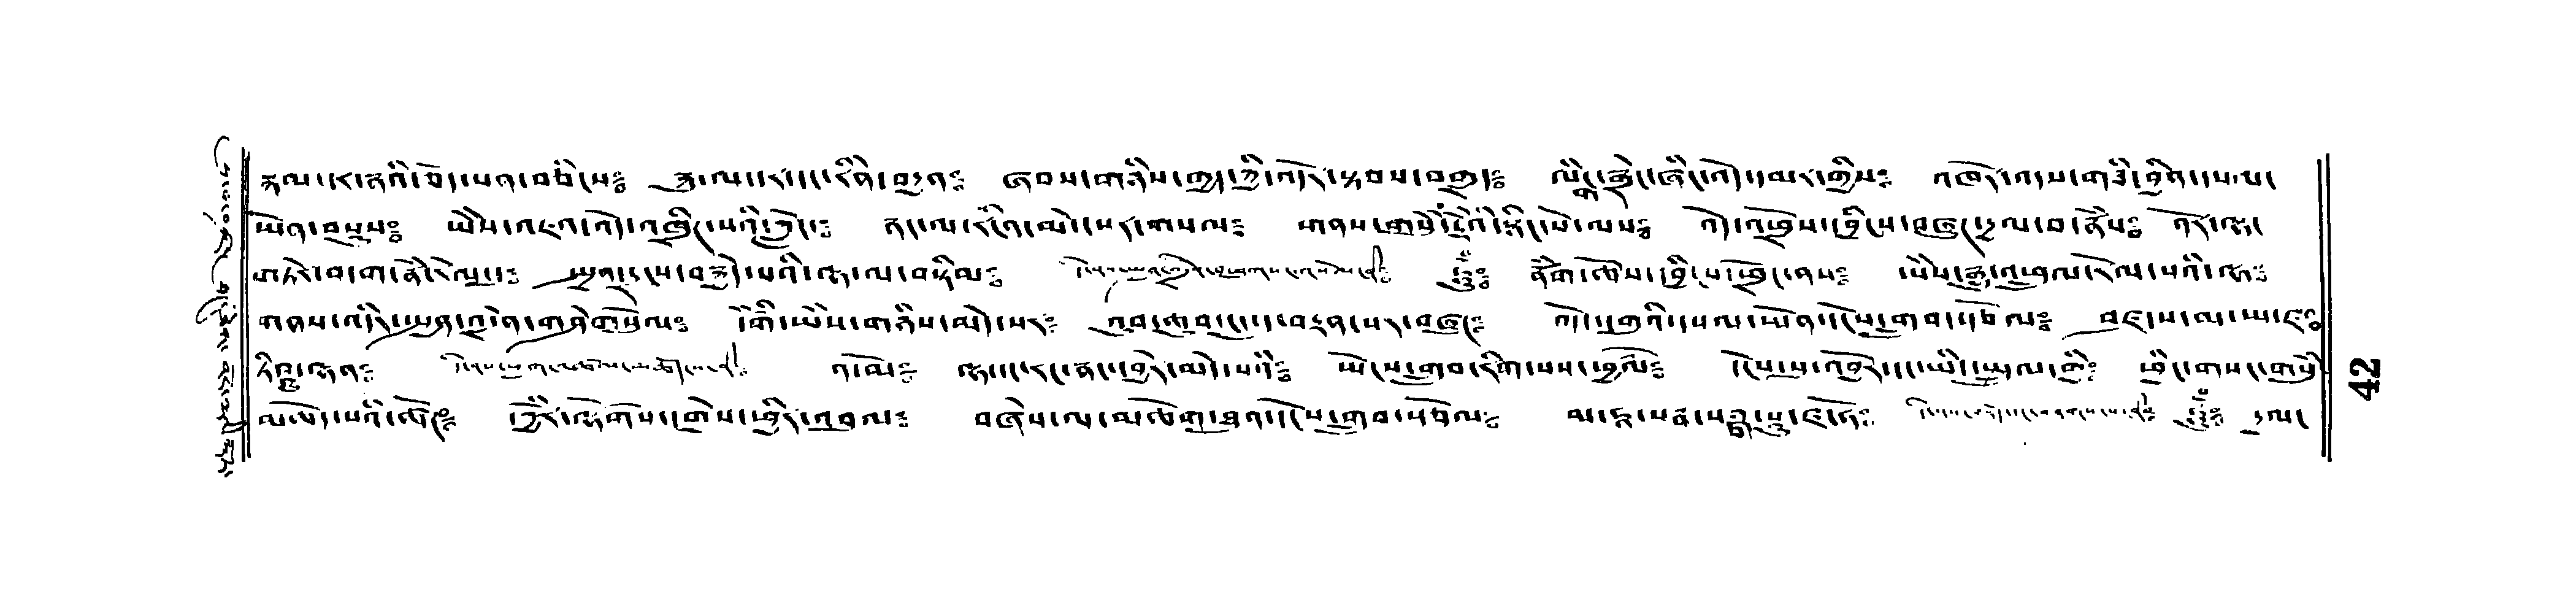སྐམ་དར་སྣའི་ཅོད་པན་བཅིངས༔ སྐུ་ལ་དར་དང་རིན་ཆེན་བརྒྱན༔ ཞབས་གཉིས་གྱད་ཀྱི་འདོར་སྟབས་བགྲད༔ ལིངྒ་སྒྲེང་ཞིང་འོད་དམར་གྱིས༔ འཁོར་འདས་གཟི་བྱིན་དཔལ་
ཡོན་སྡུད༔ ཡེ་ཤེས་འཇའ་འོད་འཁྲིགས་པའི་ཀློང༔ སྣང་ལ་རང་བཞིན་མེད་པར་གསལ༔ གནས་གསུམ་རྡོ་རྗེའི་སྙིང་པོ་ལས༔ འོད་འཕྲོས་དབྱིངས་བཞུགས་རྒྱལ་བ་རྣམས༔ ནོར་ལྷ་
གཏེར་བདག་རྣམ་རོལ་དུ༔ སྤྱན་དྲངས་བསྐྱེད་པའི་ལྷ་ལ་བསྟིམ༔ དེ་ནས་སྤྱན་འདྲེན་བཞུགས་གསོལ་ནི༔ ཧཱུྃ༔ རྣམ་དག་ཆོས་དབྱིངས་ཕོ་བྲང་ནས༔ ཡེ་ཤེས་སྒྱུ་འཕྲུལ་རོལ་པའི་ལྷ༔ 
གནས་འདིར་སྤྱན་འདྲེན་གཤེགས་སུ་གསོལ༔ དམ་ཚིག་ཡེ་ཤེས་གཉིས་མེད་པར༔ འུབ་ཆུབ་ངང་དུ་བརྟན་པར་བཞུགས༔ འདོད་དགུའི་དཔལ་ཡོན་དངོས་གྲུབ་སྩོལ༔ བཛྲ་ས་མ་ཡ་ཛཿ
ཏིཥྛ་ལྷན༔ དེ་ནས་ཕྱག་འཚལ་མཆོད་པ་ནི༔ ན་མོ༔ ལྷ་དང་རང་སྣང་དབྱེར་མེད་པའི༔ ཡོངས་གྲུབ་རིག་པས་ཕྱག་འཚལ་ལོ༔ དངོས་སུ་འབྱོར་དང་ཡིད་སྤྲུལ་གྱི༔ ཕྱི་ནང་གསང་གསུམ་
མཆོད་པའི་ཚོགས༔ དཀྱིལ་འཁོར་ལྷ་ཚོགས་དགྱེས་ཕྱིར་འབུལ༔ བཞེས་ལ་མཆོག་ཐུན་དངོས་གྲུབ་སྩོལ༔ མ་ཧཱ་སརྦ་པཉྩ་པཱུ་ཛ་ཧོཿ དེ་ནས་བསྟོད་དང་བཤགས་པ་ནི༔ ཧཱུྃ༔ རྒྱལ་